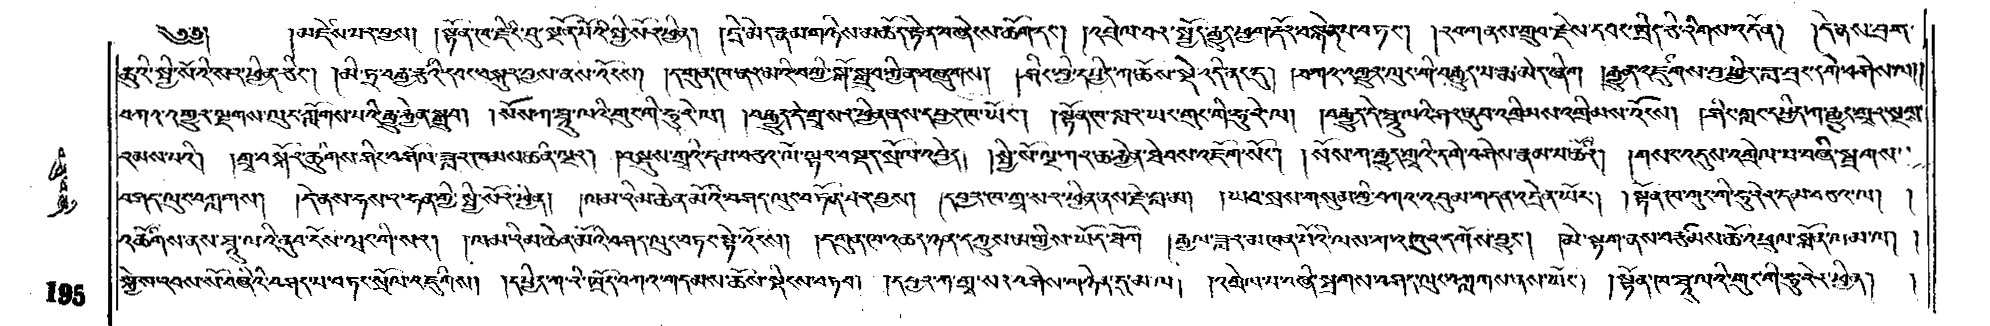༄༅། །མཛེས་པར་བྱས། །སྟོན་ཁ་རྫིང་བུ་སྔོན་པོའི་སྤྱི་སོར་ཕྱིན། །དྲི་མེད་རྣམ་གཉིས་མཆོད་རྟེན་བཞེངས་ཆོག་དང་། །འབྲེལ་བར་སྤྱོད་རྒྱུད་ཕྱག་རྡོར་བསྙེན་པ་བཏང་། །རབ་གནས་གྲུབ་རྗེས་དབངྑྲིད་ཅི་རིགས་འདོན། །དེ་ནས་བྲག་
ཆུའི་སྤྱི་སོའི་སར་ཕྱིན་ཅིང་། །མི་ཏྲ་བརྒྱ་རྩའི་དབང་བསྐུར་བྱས་ནས་འོངས། །དགུན་ཁ་ནར་མའི་བགྱི་སྒོ་སྒྲུབ་ཀྱིན་བཞུགས། །ཤིང་བྱི་དཔྱིད་ཀ་ཆོས་སྡེ་འདི་ནང་དུ། །བཀའ་འགྱུར་ལུང་གི་བརྒྱུད་པ་རྨ་མེད་ཞིག །རྒྱུན་འཛུགས་བྱ་ཕྱིར་བླ་བྲང་དགེ་བཤེས་ལ།།
བཀའ་འགྱུར་ལྗགས་ལུང་ཀློགས་པའི་རྒྱུ་རྐྱེན་སྒྲུབ། །སོས་ཀ་ཐཱུ་ལའི་གུང་གི་ཧུ་རེ་ལ། །བརྒྱུད་དེ་གྲྭ་སར་ཕྱིན་ནས་དབྱར་ཁ་ཡོང་། །སྟོན་ཁ་སླར་ཡང་གུང་གི་ཧུ་རེ་ལ། །བརྒྱུད་དེ་ཐཱུ་ལའི་ཤར་ནུབ་འགྲིམས་འགྲིམས་འོངས། །ཤིང་གླང་དཔྱིད་ཀ་རྒྱུད་གྲྭར་སྔགས་
རམས་པའི། །གྲྭ་བསྐོར་ཚུགས་ཤིང་བཤོལ་ཟླར་ཁམས་ཚན་ལྔར། །བསྡུས་གྲྭའི་དམ་བཅའ་ལོ་ལྟར་བསྡད་སྲོལ་འབྱེད། །སྤྱི་སོ་ལྔ་ཀར་ཆ་རྐྱེན་ཐེབས་འཇོག་སོང་། །སོས་ཀ་རྒྱུད་གྲྭའི་དགེ་བཤེས་རྣམ་པ་ཚོར། །གསང་འདུས་འགྲེལ་པ་བཞི་སྦྲགས་
བཤད་ལུང་བཀླགས། །དེ་ནས་ཧས་ར་ཧན་གྱི་སྤྱི་སོར་ཕྱིན། །ལམ་རིམ་ཆེན་མོའི་བཤད་ལུང་བཏོན་བར་བྱས། །དབྱར་ཁ་གྲྭ་སར་ཕྱིན་ནས་རྗེ་བླ་མ། །ཡབ་སྲས་གསུམ་གྱི་བཀའ་འབུམ་གདན་འདྲེན་ཡོང་། །སྟོན་ཁ་གུང་གི་ཧུ་རེར་དམ་བཅའ་ལ། །
འཚོགས་ནས་ཐཱུ་ལའི་ནུབ་ངོས་ཝང་གི་སར། །ལམ་རིམ་ཆེན་མོའི་བཤད་ལུང་བཏང་སྟེ་འོངས། །དགུན་ཁ་འཆད་ཉན་དཀྱུས་མ་གྱིས་ཡོད་ཐོག །རྒྱལ་ཟླར་མཁན་པོའི་ལས་ཀ་འཁུར་དགོས་བྱུང་། །མེ་སྟག་ནས་བརྩམས་ཆོ་འཕྲུལ་སྨོན་ལམ་ལ། །
སྐྱེས་རབས་སོ་བཞིའི་བཤད་པ་བཏང་སྲོལ་འཛུགས། །དཔྱིད་ཀ་རི་ཁྲོད་བཀའ་གདམས་ཆོས་སྡིངས་བཏབ། །དབྱར་ཀ་གྲྭ་སར་བཤེས་གཉེར་དུ་མ་ལ། །འགྲེལ་པ་བཞི་སྦྲགས་བཤད་ལུང་བཀླགས་ནས་ཡོང་། །སྟོན་ཁ་ཐཱུ་ལའི་གུང་གི་ཧུ་རེར་ཕྱིན། །